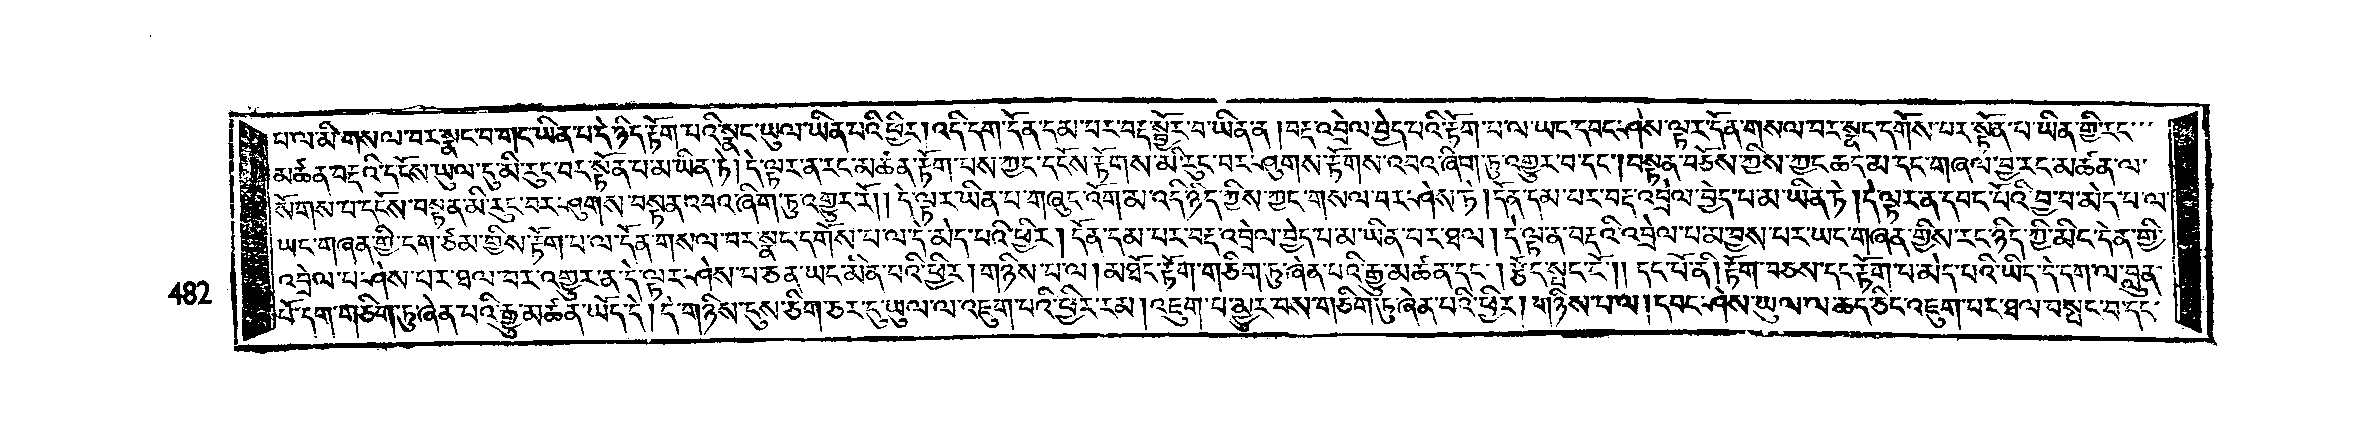པ་ལ་མི་གསལ་བར་སྣང་བ་གང་ཡིན་པ་དེ་ཉིད་རྟོག་པའི་སྣང་ཡུལ་ཡིན་པའི་ཕྱིར། འདི་དག་དོན་དམ་པར་བརྡ་སྦྱོར་བ་ཡིན་ན། བརྡ་འབྲེལ་བྱེད་པའི་རྟོག་པ་ལ་ཡང་དབང་ཤེས་ལྟར་དོན་གསལ་བར་སྣང་དགོས་པར་སྟོན་པ་ཡིན་གྱི་རང་
མཚན་བརྡའི་དངོས་ཡུལ་དུ་མི་རུང་བར་སྟོན་པ་མ་ཡིན་ཏེ། དེ་ལྟར་ན་རང་མཚན་རྟོག་པས་ཀྱང་དངོས་རྟོགས་མི་རུང་བར་ཤུགས་རྟོགས་འབའ་ཞིག་ཏུ་འགྱུར་བ་དང་། བསྟན་བཅོས་ཀྱིས་ཀྱང་ཆད་མ་དང་གཞལ་བྱ་རང་མཚན་ལ་
སོགས་པ་དངོས་བསྟན་མི་རུང་བར་ཤུགས་བསྟན་འབའ་ཞིག་ཏུ་འགྱུར་རོ། །དེ་ལྟར་ཡིན་པ་གཞུང་འོག་མ་འདི་ཉིད་ཀྱིས་ཀྱང་གསལ་བར་ཤེས་ཏེ། དོན་དམ་པར་བརྡ་འབྲེལ་བྱེད་པ་མ་ཡིན་ཏེ། དེ་ལྟར་ན་དབང་པོའི་བྱ་བ་མེད་པ་ལ་
ཡང་གཞན་གྱི་ངག་ཙམ་གྱིས་རྟོག་པ་ལ་དོན་གསལ་བར་སྣང་དགོས་པ་ལ་དེ་མེད་པའི་ཕྱིར། དོན་དམ་པར་བརྡ་འབྲེལ་བྱེད་པ་མ་ཡིན་པར་ཐལ། དེ་ལྟ་ན་བརྡའི་འབྲེལ་པ་མ་བྱས་པར་ཡང་གཞན་གྱིས་རང་ཉིད་ཀྱི་མིང་དེན་གྱི་
འབྲེལ་པ་ཤེས་པར་ཐལ་པར་འགྱུར་ན་དེ་ལྟར་ཤེས་པ་ཅན་ཡང་མིན་པའི་ཕྱིར། གཉིས་པ་ལ། མཐོང་རྟོག་གཅིག་ཏུ་ཞེན་པའི་རྒྱུ་མཚན་དང་། རྩོད་སྤང་ངོ། །དང་པོ་ནི། རྟོག་བཅས་དང་རྟོག་པ་མེད་པའི་ཡིད་དེ་དག་ལ་བླུན་
པོ་དག་གཅིག་ཏུ་ཞེན་པའི་རྒྱུ་མཚན་ཡོད་དེ། དེ་གཉིས་དུས་ཅིག་ཅར་དུ་ཡུལ་ལ་འཇུག་པའི་ཕྱིར་རམ། འཇུག་པ་མྱུར་བས་གཅིག་ཏུ་ཞེན་པའི་ཕྱིར། གཉིས་པ་ལ། དབང་ཤེས་ཡུལ་ལ་ཆད་ཅིང་འཇུག་པར་ཐལ་བ་སྤང་བ་དང་